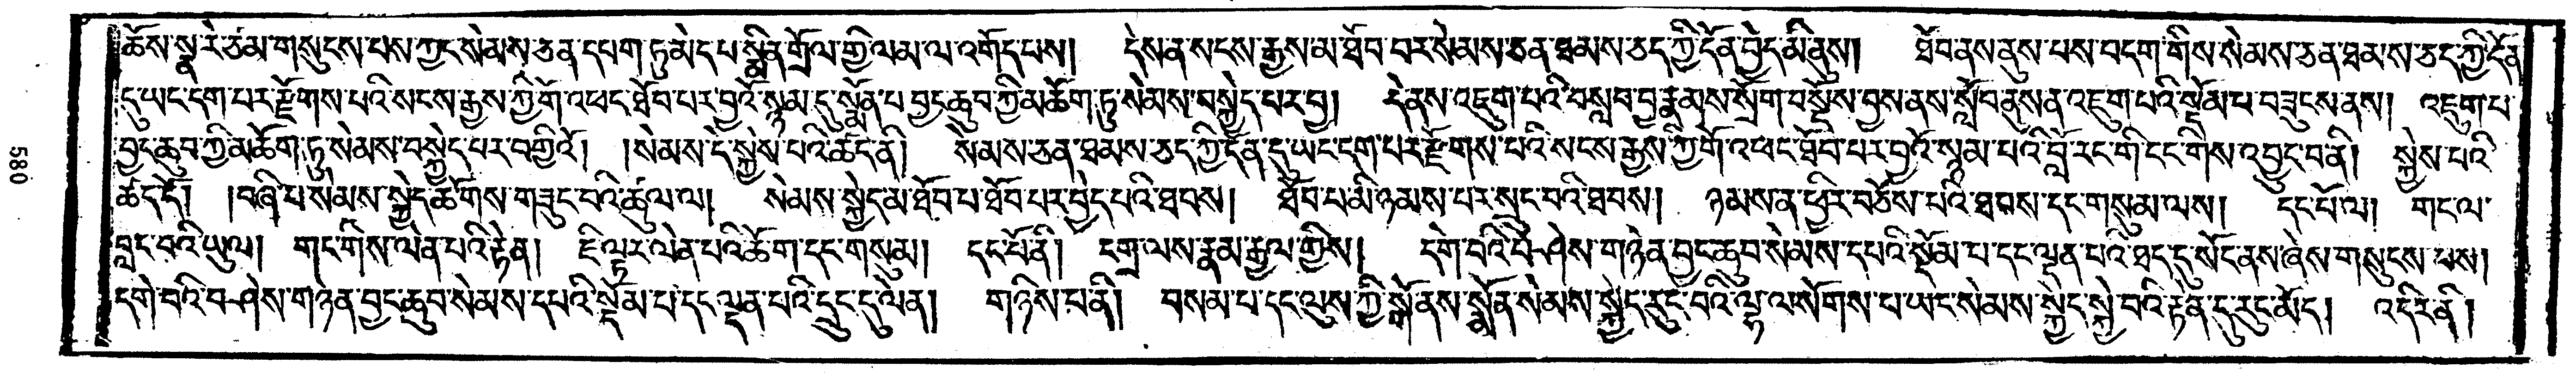ཆོས་སྣ་རེ་ཙམ་གསུངས་པས་ཀྱང་སེམས་ཅན་དཔག་ཏུ་མེད་པ་སྨིན་གྲོལ་གྱི་ལམ་ལ་འགོད་པས། དེས་ན་སངས་རྒྱས་མ་ཐོབ་བར་སེམས་ཅན་ཐམས་ཅད་ཀྱི་དོན་བྱེད་མི་ནུས། ཐོབ་ནས་ནུས་པས་བདག་གིས་སེམས་ཅན་ཐམས་ཅད་ཀྱི་དོན་
དུ་ཡང་དག་པར་རྫོགས་པའི་སངས་རྒྱས་ཀྱི་གོ་འཕང་ཐོབ་པར་བྱའོ་སྙམ་དུ་སྨོན་པ་བྱང་ཆུབ་ཀྱི་མཆོག་ཏུ་སེམས་བསྐྱེད་པར་བྱ། དེ་ནས་འཇུག་པའི་བསླབ་བྱ་རྣམས་སྲོག་བསྡོས་བྱས་ནས་སློབ་ནུས་ན་འཇུག་པའི་སྡོམ་པ་བཟུངས་ནས། འཇུག་པ་
བྱང་ཆུབ་ཀྱི་མཆོག་ཏུ་སེམས་བསྐྱེད་པར་བགྱིའོ། །སེམས་དེ་སྐྱེས་པའི་ཚད་ནི། སེམས་ཅན་ཐམས་ཅད་ཀྱི་དོན་དུ་ཡང་དག་པར་རྫོགས་པའི་སངས་རྒྱས་ཀྱི་གོ་འཕང་ཐོབ་པར་བྱའོ་སྙམ་པའི་བློ་རང་གི་ངང་གིས་འབྱུང་བ་ནི། སྐྱེས་པའི་
ཚད་དོ། །བཞི་པ་སེམས་བསྐྱེད་ཚོགས་གཟུང་བའི་ཚུལ་ལ། སེམས་བསྐྱེད་མ་ཐོབ་པ་ཐོབ་པར་བྱེད་པའི་ཐབས། ཐོབ་པ་མི་ཉམས་པར་སྲུང་བའི་ཐབས། ཉམས་ན་ཕྱིར་བཅོས་པའི་ཐབས་དང་གསུམ་ལས། དང་པོ་ལ། གང་ལ་
བླང་བའི་ཡུལ། གང་གིས་ལེན་པའི་རྟེན། ཇི་ལྟར་ལེན་པའི་ཆོ་ག་དང་གསུམ། དང་པོ་ནི། དགྲ་ལས་རྣམ་རྒྱལ་གྱིས། དགེ་བའི་བཤེས་གཉེན་བྱང་ཆུབ་སེམས་དཔའི་སྡོམ་པ་དང་ལྡན་པའི་ཐད་དུ་སོང་ནས་ཞེས་གསུངས་པས།
དགེ་བའི་བཤེས་གཉེན་བྱང་ཆུབ་སེམས་དཔའི་སྡོམ་པ་དང་ལྡན་པའི་དྲུང་དུ་ལེན། གཉིས་པ་ནི། བསམ་པ་དང་ལུས་ཀྱི་སྒོ་ནས་སྨོན་སེམས་སྐྱེད་རུང་བའི་ལྷ་ལ་སོགས་པ་ཡང་སེམས་སྐྱེད་སྐྱེ་བའི་རྟེན་དུ་རུང་མོད། འདིར་ནི།